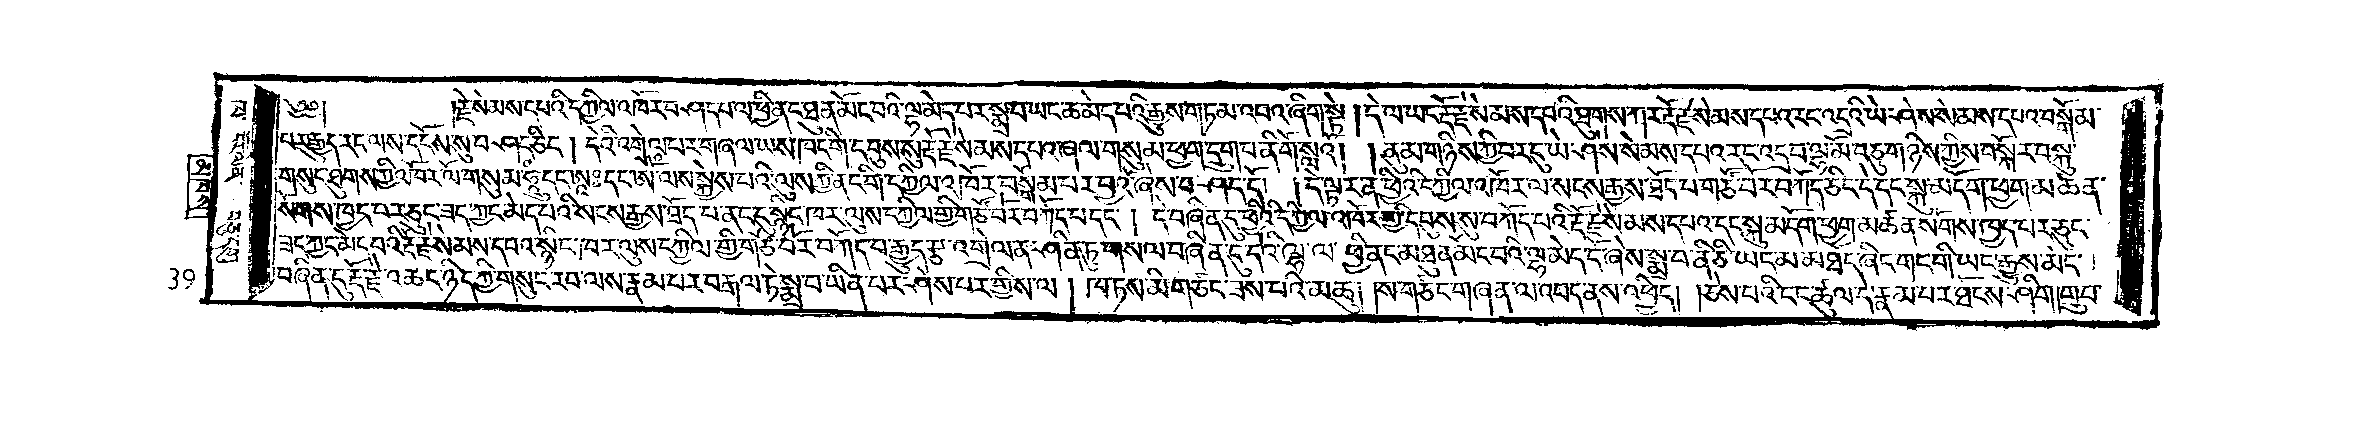༄༅། །རྗེ་སེམས་དཔའི་དཀྱིལ་འཁོར་བཤད་པ་ལ་ཕྱི་ནང་ཐུན་མོང་བའི་ལྷ་མེད་པར་སྨྲ་བ་ཡང་ཆ་མེད་པའི་རྒྱུས་གཏམ་འབའ་ཞིག་སྟེ། དེ་ལ་ཡང་རྡོ་རྗེ་སེམས་དཔའི་ཐུགས་ཀར་རྡོ་རྗེ་སེམས་དཔའ་རང་འདྲའི་ཡེ་ཤེས་སེམས་དཔའ་བསྒོམ་
པར་རྒྱུད་རང་ལས་དངོས་སུ་བཤད་ཅིང་། དེའི་འགྲེལ་བར་གཞལ་ཡས་ཁང་གི་དབུས་སུ་རྡོ་རྗེ་སེམས་དཔའ་ཞལ་གསུམ་ཕྱག་དྲུག་བ་ནི་གོ་སླའོ། །ནུ་མ་གཉིས་ཀྱི་བར་དུ་ཡེ་ཤེས་སེམས་དཔའ་འདྲ་བ་ལྷ་མོ་བཅུ་གཉིས་ཀྱིས་བསྐོར་བ་སྐུ་
གསུང་ཐུགས་ཀྱི་འཁོར་ལོ་གསུམ་ཧཱུཾ་དང་ཨཱཿ དང་ཨོཾ་ལས་སྐྱེས་པའི་ལུས་ཀྱི་ནང་གི་དཀྱིལ་འཁོར་བསྒོམ་པར་བྱའོ་ཞེས་བཤད་དོ། །དེ་ལྟར་ན་ཕྱིའི་དཀྱིལ་འཁོར་ལ་སངས་རྒྱས་ཐོད་པ་གཙོ་བོར་བཀོད་ཅིང་དེ་དང་སྐུ་མདོག་ཕྱག་མཚན་
སོགས་ཁྱད་པར་ཅུང་ཟད་ཀྱང་མེད་པའི་སངས་རྒྱས་ཐོད་པ་ནང་དུ་སྙིང་ཁར་ལུས་དཀྱིལ་གྱི་གཙོ་བོར་བཀོད་པ་དང་། དེ་བཞིན་དུ་ཕྱིའི་དཀྱིལ་འཁོར་གྱི་དབུས་སུ་བཀོད་པའི་རྡོ་རྗེ་སེམས་དཔའ་དང་སྐུ་མདོག་ཕྱག་མཚན་སོགས་ཁྱད་པར་ཅུང་
ཟད་ཀྱང་མེད་པའི་རྡོ་རྗེ་སེམས་དཔའ་སྙིང་ཁར་ལུས་དཀྱིལ་གྱི་གཙོ་བོར་བཀོད་པ་རྒྱུད་རྩ་འགྲེལ་ན་ཤིན་ཏུ་གསལ་བཞིན་ན་དུ་དེའི་ལྷ་ལ་ཕྱི་ནང་མཐུན་མོང་བའི་ལྷ་མེད་དོ་ཞེས་སྨྲ་བ་ནི་ཅི་ཡང་མ་མཐོད་ཞིང་གང་གི་ཡང་རྒྱུས་མེད་
བཞིན་དུ་རྡོ་རྗེ་འཆང་ཉིད་ཀྱི་གསུང་རབ་ལས་རྣམ་པར་བརྒལ་ཏེ་སྨྲ་བ་ཡིན་པར་ཤེས་པར་གྱིས་ལ། ཁ་ཏས་མི་གཙང་ཟས་པའི་མ་ཆུ། ས་གཅིང་གཞན་ལ་འབད་ནས་འཕྱིད། །ཅེས་པའི་ངང་ཚུལ་དེ་རྣམ་པར་ཐོངས་ཤིག། གྲུབ་